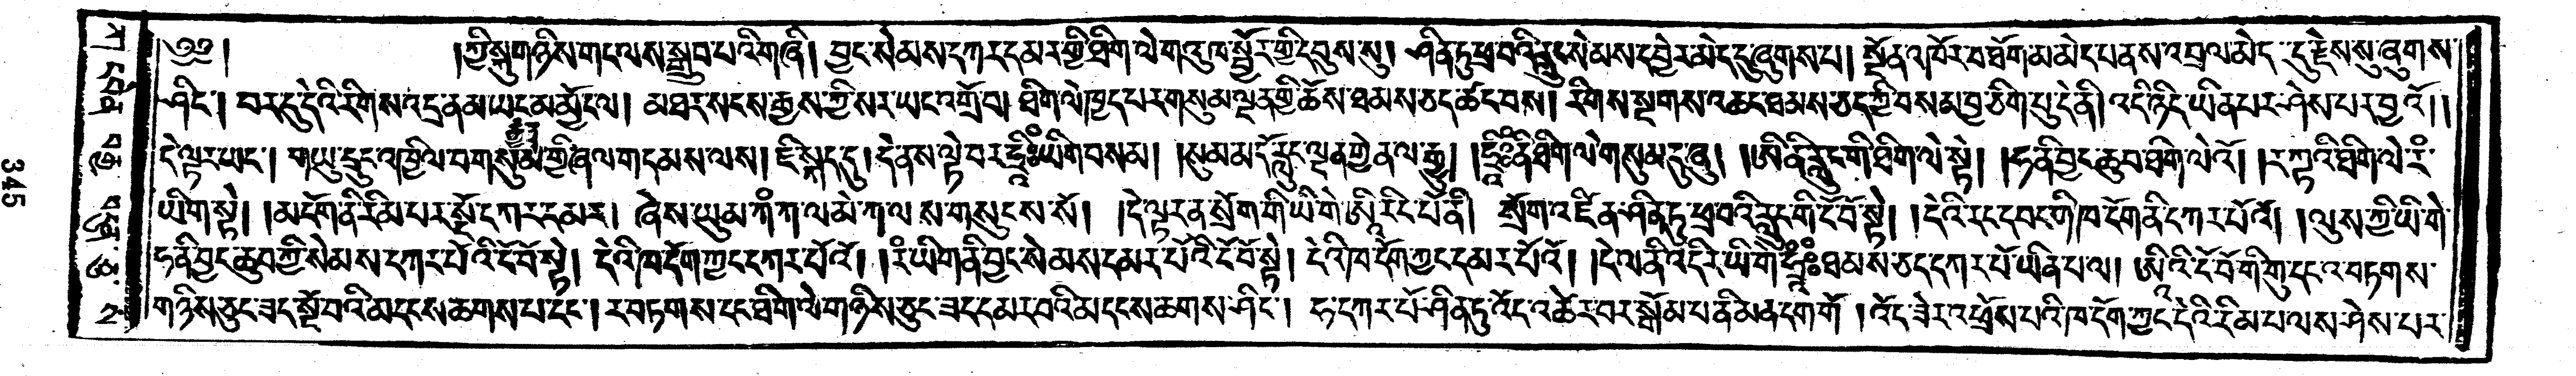༄༅། །ཀྱི་སྐུ་གཉིས་གང་ལས་སྒྲུབ་པའི་གཞི། བྱང་སེམས་དཀར་དམར་གྱི་ཐིག་ལེ་གའུ་ཁ་སྦྱོར་གྱི་དབུས་སུ། ཤིན་ཏུ་ཕྲ་བའི་རླུང་སེམས་དབྱེར་མེད་དུ་ཞུགས་པ། སྔོན་འཁོར་བ་ཐོག་མ་མེད་པ་ནས་འབྲལ་མེད་དུ་རྗེས་སུ་ཞུགས་
ཤིང་། བར་དུ་དེའི་རིགས་འདྲ་ནམ་ཡང་རྒྱན་མ་མྱོང་ལ། མཐར་སངས་རྒྱས་ཀྱི་སར་ཡང་འགྲོ་བ། ཐིག་ལེ་ཁྱད་པར་གསུམ་ལྡན་གྱི་ཆོས་ཐམས་ཅད་ཚང་བས། རིགས་སྔགས་འཆང་ཐམས་ཅད་ཀྱི་བསམ་བྱ་ཅིག་པུ་དེ་ནི། འདི་ཉིད་ཡིན་པར་ཤེས་པར་བྱའོ། །
དེ་ལྟར་ཡང་། གཡུ་དྲུང་འཁྱིལ་བ་གསུམ་གྱི་ཞལ་གདམས་ལས། ཇི་སྐད་དུ། དེ་ནས་ལྟེ་བར་ཧྲཱིཾཿ ཡིག་བསམ། །སུམ་མདོ་རླུང་ལྡན་གྱེན་ལ་རྒྱུ། །ཧྲཱིཾཿ ནི་ཐིག་ལེ་གསུམ་དུ་ཞུ། །ཨི་ནི་རླུང་གི་ཐིག་ལེ་སྟེ། །ཧ་ནི་བྱང་ཆུབ་ཐིག་ལེའོ། །རཀྟའི་ཐིག་ལེ་རཾ་
ཡིག་སྟེ། །མདོག་ནི་རིམ་པར་སྔོ་དཀར་དམར། ཞེས་ཡུམ་ཀཾ་ཀ་ལ་མེ་ཀ་ལས་གསུངས་སོ། །དེ་ལྟར་ན་སྲོག་གི་ཡི་གེ་ཨཱི་རིང་པོ་ནི། སྲོག་འཛིན་ཤིན་ཏུ་ཕྲ་བའི་རླུང་གི་ངོ་བོ་སྟེ། །དེའི་རང་དབང་གི་ཁ་དོག་ནི་དཀར་པོའོ། །ལུས་ཀྱི་ཡི་གེ་
ཧ་ནི་བྱང་ཆུབ་ཀྱི་སེམས་དཀར་པོའི་ངོ་བོ་སྟེ། དེའི་ཁ་དོག་ཀྱང་དཀར་པོའོ། །རཾ་ཡིག་ནི་བྱང་སེམས་དམར་པོའི་ངོ་བོ་སྟེ། དེའི་ཁ་དོག་ཀྱང་དམར་པོའོ། །དེ་ལ་ནི་འདིར་ཡི་གེ་ཧྲཱིཾཿ ཐམས་ཅད་དཀར་པོ་ཡིན་པ་ལ། ཨཱིའི་ངོ་བོ་གི་གུ་དང་འ་བཏགས་
གཉིས་ཅུང་ཟད་སྔོ་བའི་མདངས་ཆགས་པ་དང་། ར་བཏགས་དང་ཐིག་ལེ་གཉིས་ཅུང་ཟད་དམར་བའི་མདངས་ཆགས་ཤིང་། ཧ་དཀར་པོ་ཤིན་ཏུ་འོད་འཚེར་བར་སྒོམ་པ་ནི་མན་དག་གོ །འོད་ཟེར་འཕྲོས་པའི་ཁ་དོག་ཀྱང་དེའི་རིམ་པ་ལས་ཤེས་པར་